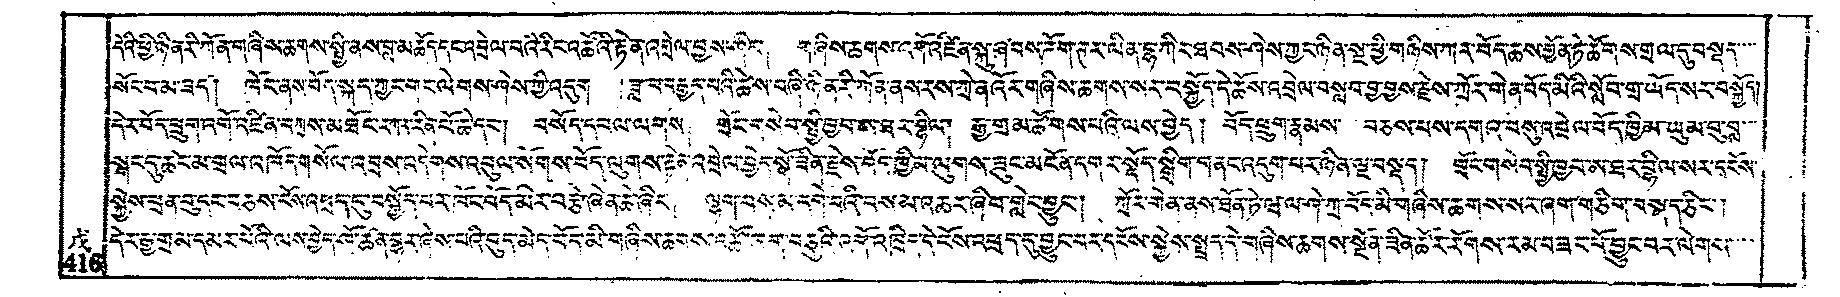དེའི་ཕྱི་ཉིན་རི་ཀོན་གཞིས་ཆགས་སྤྱི་ནས་བླ་མཆོད་དང་འབྲེལ་བའི་རིང་འཚོའི་རྟེན་འབྲེལ་བྱས་ཤིང་། གཞིས་ཆགས་འགོ་འཛིན་སྐུ་ཞབས་ཌོག་ཊར་ལིན་དྷ་ཀིར་ཐབས་ཤེས་ཀྱང་ཉིན་སྔ་ཕྱི་གཉིས་ཀར་བོད་ཆས་གྱོན་ཏེ་ཚོགས་གྲལ་དུ་བསྡད་
སོང་བ་མ་ཟད། ཁོང་ནས་བོད་སྐད་ཀྱང་གང་ལེགས་ཤེས་ཀྱི་འདུག །ཟླ་བ་བརྒྱད་པའི་ཚེས་བཞི་ཉིན་རི་ཀོན་ནས་རས་ཀྲེ་ནའོར་གཞིས་ཆགས་སར་བསྐྱོད་དེ་ཆོས་འབྲེལ་བསླབ་བྱ་བྱས་རྗེས་ཀྲོར་གེན་བོད་མིའི་སློབ་གྲ་ཡོད་སར་བསྐྱོད།
དེར་བོད་ཕྲུག་འགོ་འཛིན་བཀྲས་མཐོང་རཀ་ར་རིན་པོ་ཆེ་དང་། བསོད་དཔལ་ལགས། གྲོང་གསེབ་སྤྱི་ཁྱབ་ཨ་ཐར་བྷིལ། རྒྱ་གྲམ་ཚོགས་པའི་ལས་བྱེད། བོད་ཕྲུག་རྣམས་བཅས་པས་དགའ་བསུ་འབྲེལ་བོད་ཁྱིམ་ཡུམ་བུ་བླ་
སྒང་དུ་ཚང་མ་གྲལ་འཁོད་གསོལ་འབྲས་འདེགས་འབུལ་སོགས་བོད་ལུགས་རྟེན་འབྲེལ་བྱེད་སྒོ་ཟིན་རྗེས་བོད་ཁྱིམ་ལུགས་ཟུང་མངོན་དགར་སྡོད་སྒྲིག་གནང་འདུག་པར་ཉིན་ལྔ་བསྡད། གྲོང་གསེབ་སྤྱི་ཁྱབ་ཨ་ཐར་བྷིལ་སར་དངོས་
སྐྱེས་ཕྲན་བུ་དང་བཅས་ངོས་འཕྲད་དུ་བསྐྱོད་པར་ཁོང་བོད་མིར་བརྩེ་ཞེན་ཆེ་ཞིང་། ལྷག་བསམ་དགེ་བའི་བསམ་འཆར་ཞིབ་གླེང་བྱུང་། ཀྲོར་གེན་ནས་ཐོན་ཏེ་ཝལ་ཤེ་ཀྲ་བོད་མི་གཞིས་ཆགས་སར་ཞག་གཅིག་བསྡད་ཅིང་།
དེར་རྒྱ་གྲམ་དམར་པོའི་ལས་བྱེད་ཤོ་ཚན་བྷར་ཞེས་པའི་བུད་མེད་བོད་མི་གཞིས་ཆགས་འཚོ་ཁག་བཅུའི་འགོ་འཁྲིད་དེ་ངོས་འཕྲད་དུ་བྱུང་བར་དངོས་སྐྱེས་སྤྲད་དེ་གཞིས་ཆགས་སྔོན་ཟིན་ཚོར་རོགས་རམ་བཟང་པོ་བྱུང་བར་ལེགས་